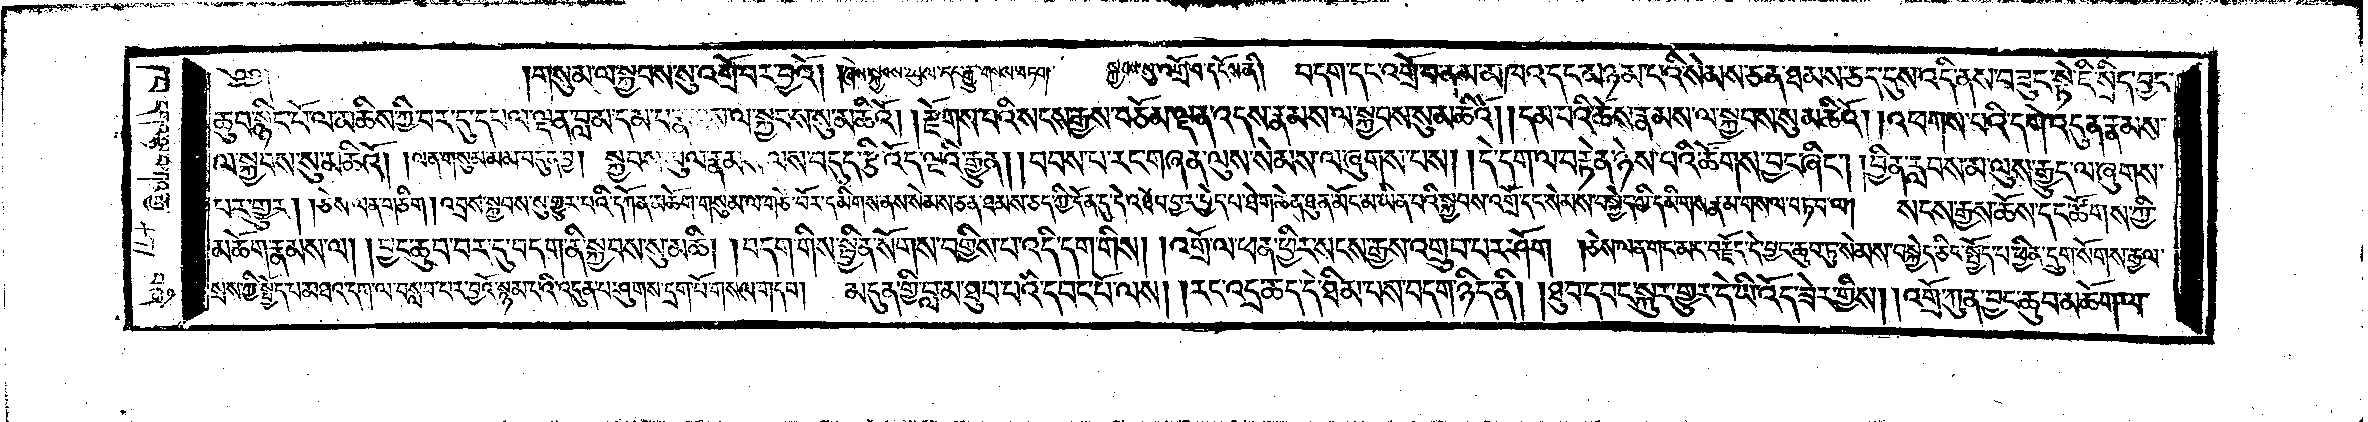༄༅། །གསུམ་ལ་སྐྱབས་སུ་འགྲོ་བར་བྱའོ། །ཞེས་སྐྱབས་ཡུལ་དང་རྒྱུ་གསལ་བཏབ། སྐྱབས་སུ་འགྲོ་བ་དངོས་ནི།  བདག་དང་འགྲོ་བ་ནམ་མཁའ་དང་མཉམ་པའི་སེམས་ཅན་ཐམས་ཅད་དུས་འདི་ནས་བཟུང་སྟེ་ཇི་སྲིད་བྱང་
ཆུབ་སྙིང་པོ་ལ་མཆིས་ཀྱི་བར་དུ་དཔལ་ལྡན་བླ་མ་དམ་པ་རྣམས་ལ་སྐྱབས་སུ་མཆིའོ། །རྫོགས་པའི་སངས་རྒྱས་བཅོམ་ལྡན་འདས་རྣམས་ལ་སྐྱབས་སུ་མཆིའོ། །དམ་པའི་ཆོས་རྣམས་ལ་སྐྱབས་སུ་མཆིའོ། །འཕགས་པའི་དགེ་འདུན་རྣམས་
ལ་སྐྱབས་སུ་མཆིའོ། །ལན་གསུམ་མམ་བདུན་བྱ།  སྐྱབས་ཡུལ་རྣམས་ལས་བདུད་རྩི་འོད་ལྔའི་རྒྱུན། །བབས་པ་རང་གཞན་ལུས་སེམས་ལ་ཞུགས་པས། །དེ་དག་ལ་བརྟེན་ཉེས་པའི་ཚོགས་བྱང་ཞིང་། །བྱིན་རླབས་མ་ལུས་རྒྱུད་ལ་ཞུགས་
པར་གྱུར། །ཅེས་ལན་གཅིག །འབྲས་སྐྱབས་སུ་གྱུར་པའི་དཀོན་མཆོག་གསུམ་ལ་གཙོ་བོར་དམིགས་ནས་སེམས་ཅན་ཐམས་ཅད་ཀྱི་དོན་དུ་དེ་འཐོབ་བྱར་བྱེད་བ་ཐེག་ཆེན་ཐུན་མོང་མ་ཡིན་པའི་སྐྱབས་འགྲོ་དང་སེམས་བསྐྱེད་ཀྱི་དམིགས་རྣམ་གསལ་བཏབ་ལ།  སངས་རྒྱས་ཆོས་དང་ཚོགས་ཀྱི་
མཆོག་རྣམས་ལ། །བྱང་ཆུབ་བར་དུ་བདག་ནི་སྐྱབས་སུ་མཆི། །བདག་གིས་སྦྱིན་སོགས་བགྱིས་པ་འདི་དག་གིས། །འགྲོ་ལ་ཕན་ཕྱིར་སངས་རྒྱས་འགྲུབ་པར་ཤོག །ཅེས་ལན་གང་མང་བརྗོད་དེ་བྱང་ཆུབ་ཏུ་སེམས་བསྐྱེད་ཅིང་སྤྱོད་པ་ཕྱིན་དྲུག་སོགས་རྒྱལ་
སྲས་ཀྱི་སྤྱོད་པ་མཐའ་དག་ལ་བསླབ་པར་བྱའོ་སྙམ་པའི་འདུན་པ་ཤུགས་དྲག་པོ་གསལ་གདབ། མདུན་གྱི་བླ་མ་ཐུབ་པའི་དབང་པོ་ལས། །རང་འདྲ་ཆད་དེ་ཐིམ་པས་བདག་ཉིད་ནི། །ཐུབ་དབང་སྐུར་གྱུར་དེ་ཡི་འོད་ཟེར་གྱིས། །འགྲོ་ཀུན་བྱང་ཆུབ་མཆོག་ལ་